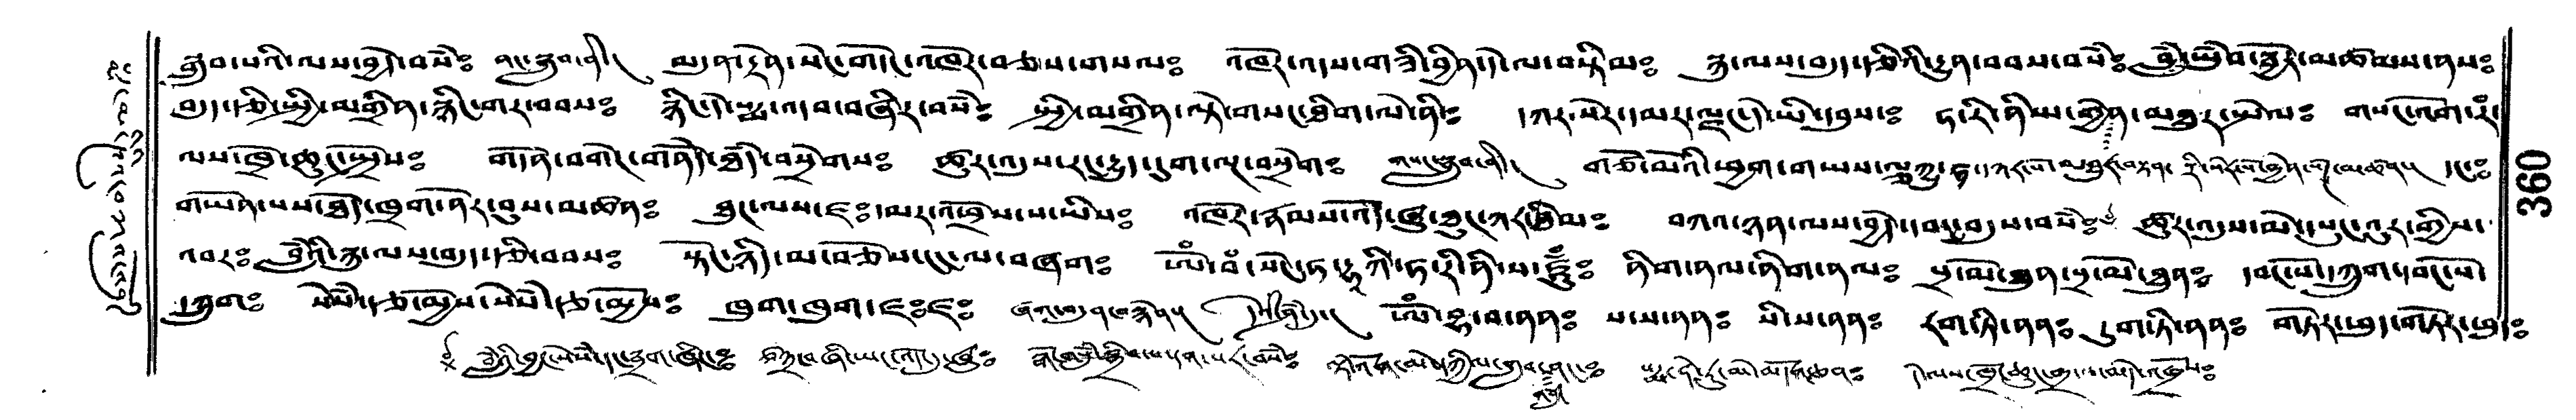སྒྲུབ་པའི་ལས་བྱེད་བསམ༔ནང་སྒྲུབ་ནི། མདུན་རྟེན་སེང་གདོང་འཁོར་བཅས་གསལ༔ འཁོར་འདས་གཟི་བྱིན་དེ་ལ་བསྟིམ༔ སྐུ་ལས་བདུད་རྩིའི་རྒྱུན་བབས་བསམ༔ བླ་མ་ཡབ་ཡུམ་སྦྱོར་མཚམས་ནས༔ 
བདུད་རྩི་སྤྱི་མགྲིན་སྙིང་གར་བབས༔ སྙིང་དེ་པདྨ་འདབ་བཞིར་བསམ༔ སྤྱི་མགྲིན་ལྟེ་གསང་ཐིག་ལེ་ནི༔ དཀར་སེར་དམར་ལྗང་དེ་ཡི་དབུས༔ ཧ་རི་ནི་ས་གྱེན་མཐུར་སྤེལ༔ གསང་འོག་རཾ་
ལས་ཁྲོ་ཆུང་སྤྲོས༔ གདོན་བགེགས་གནོད་བྱེད་ཐམས་ཅད་བསྲེགས༔ ཚུར་འདུས་རང་རྒྱུད་དུག་ལྔ་བསྲེགས༔ གསང་སྒྲུབ་ནི། གཙོ་མོའི་ཕྱག་གཡས་ལྕགས་ཀྱུ་ཧ་དཀར་པོ་མཐུར་བསྟན། རི་སེར་པོ་གྱེན་སོགས། མཆན། དང༔ 
གཡོན་པས་ཐོད་ཁྲག་ནོར་བུས་མཚན༔ ཐུགས་ལས་ཛཿདམར་འཕྲོས་པ་ཡིས༔ འཁོར་རྣམས་འོད་ཞུ་ཐུགས་ཀར་ཐིམཿ བཀའ་ཉན་ལས་བྱེད་དབང་བསྡུས་བསམཿ ཚུར་འདུས་མེ་དཔུང་འུར་གྱིས
འབརཿ བླ་མའི་སྐུ་ལས་བདུད་རྩི་བབསཿ སྟོང་ཉིད་མ་བཅོས་ངང་ལ་བཞགཿ ཨོཾ་བཾ་སེང་ཧ་དྷཱ་ཀི་ཧ་རི་ནི་ས་ཧཱུྃ༔ ནིག་ནལ་ནིག་ནལ༔ པྲ་མོ་ཐུན་པྲ་མོ་ཐུན༔ དབང་པོ་དཀྲུག་དབང་པོ་
དཀྲུག༔ སེམས་རྩ་མྱོས་སེམས་རྩ་མྱོས༔ ཁུག་ཁུག་ཛཿཛཿ ཞག་བདུན་བསྙེན། དེའི་གཤམ་དུ། ཨོཾ་བྷ་བ་ནན༔ ས་ས་ནན༔ སི་ས་ནན༔ རག་ཏི་ནནཿགཏོར་ཕུད་གཏོར་ཕུད༔